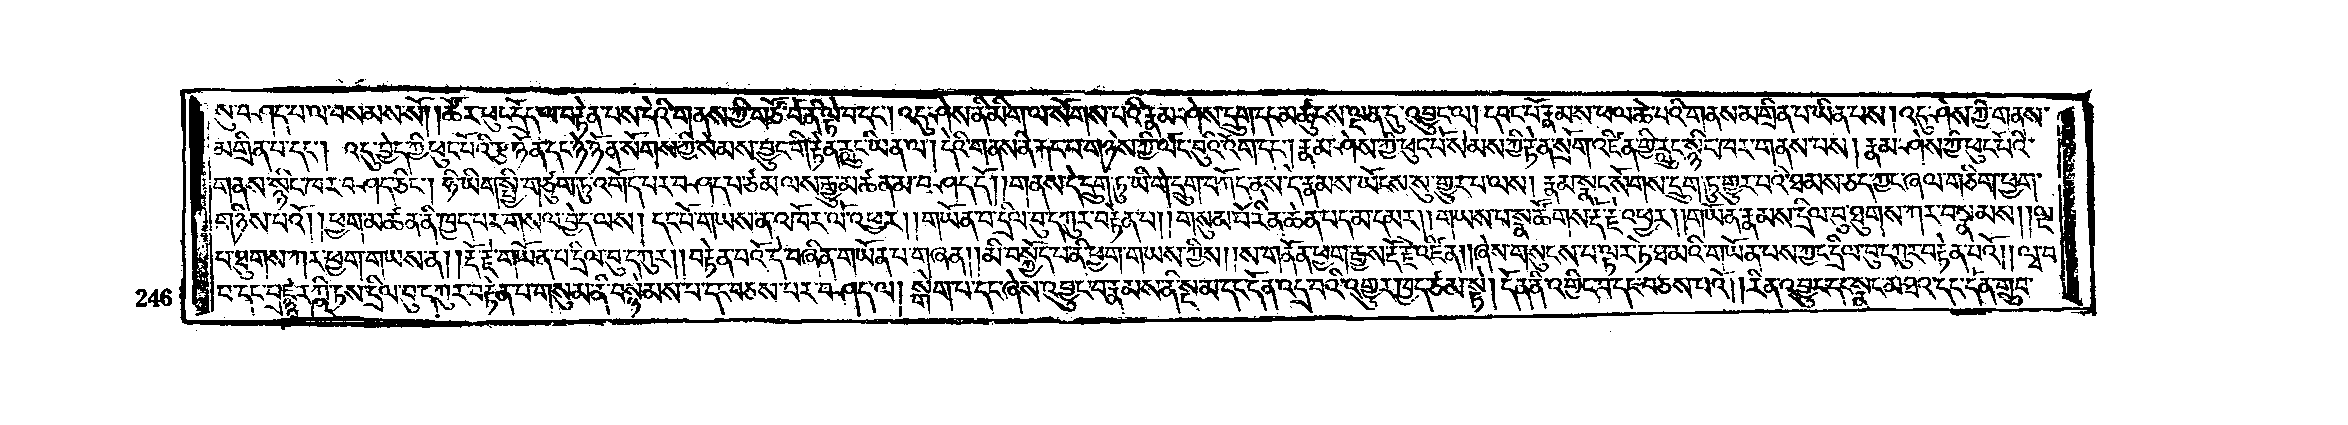སུ་བཤད་པ་ལ་བསམས་སོ། །ཚོར་ཕུང་དྲོད་ལ་བརྟེན་པས་དེའི་གནས་ཀྱི་གཙོ་བོ་ནི་ལྟེ་བ་དང་། འདུ་ཤེས་ནི་མིག་ལ་སོགས་པའི་རྣམ་ཤེས་དྲུག་དང་མཚུངས་ལྡན་དུ་འབྱུང་ལ། དབང་པོ་རྣམས་ཕལ་ཆེ་བའི་གནས་མགྲིན་པ་ཡིན་པས། འདུ་ཤེས་ཀྱི་གནས་
མགྲིན་པ་དང་། འདུ་བྱེད་ཀྱི་ཕུང་པོའི་རྩ་ཉོན་དང་ཉེ་ཉོན་སོགས་ཀྱི་སེམས་བྱུང་གི་རྟེན་རླུང་ཡིན་ལ། དེའི་གནས་ནི་རྐང་པ་གཉིས་ཀྱི་ལོང་བུའི་འོག་དང་། རྣམ་ཤེས་ཀྱི་ཕུང་པོ་སེམས་ཀྱི་རྟེན་སྲོག་འཛིན་གྱི་རླུང་སྙིང་ཁར་གནས་པ། རྣམ་ཤེས་ཀྱི་ཕུང་པོའི་
གནས་སྙིང་ཁར་བཤད་ཅིང་། ཧི་ཡིག་སྤྱི་གཙུག་ཏུ་འགོད་པར་བཤད་པ་ཙམ་ལས་རྒྱུ་མཚན་མ་བཤད་དོ། །གནས་དེ་དྲུག་ཏུ་ཡི་གེ་དྲུག་བཀོད་ནས་དེ་རྣམས་ཡོངས་སུ་གྱུར་པ་ལས། རྣམ་སྣང་སོགས་དྲུག་ཏུ་གྱུར་པའི་ཐམས་ཅད་ཀྱང་ཞལ་གཅིག་ཕྱག་
གཉིས་པའོ། །ཕྱག་མཚན་ནི་ཁྱད་པར་གསལ་བྱེད་ལས། དང་པོ་གཡས་ན་འཁོར་ལོ་འཕྱར། །གཡོན་པ་དྲིལ་བུ་དཀུར་བརྟེན་པ། །གསུམ་པོ་རིན་ཆེན་པད་མ་དམར། །གཡས་པ་སྣ་ཚོགས་རྡོ་རྗེ་འཕྱར། །གཡོན་རྣམས་དྲིལ་བུ་ཐུགས་ཀར་བསྣམས། །ལྔ་
པ་ཐུགས་ཀར་ཕྱག་གཡས་ན། །རྡོ་རྗེ་གཡོན་པ་དྲིལ་བུ་དཀུར། །བརྟེན་པའོ་དེ་བཞིན་གཡོན་པ་གཞན། །མི་བསྐྱོད་པ་ནི་ཕྱག་གཡས་ཀྱིས། །ས་གནོན་ཕྱག་རྒྱས་རྡོ་རྗེ་འཛིན། །ཞེས་གསུངས་པ་ལྟར་ཏེ་ཐ་མའི་གཡོན་པས་ཀྱང་དྲིལ་བུ་དཀུར་བརྟེན་པའོ། །ལྭ་བ་
པ་དང་པྲཛྙཱ་རཀྵི་ཏས་དྲིལ་བུ་དཀུར་བརྟེན་པ་གསུམ་ནི་བསྙེམས་པ་དང་བཅས་པར་བཤད་ལ། སྒེག་པ་དང་ཞེས་འབྱུང་བ་རྣམས་ནི་སྔ་མ་དང་དོན་འདྲ་བའི་འགྱུར་ཁྱད་ཙམ་སྟེ། དོན་ནི་འགྱིང་བ་དང་བཅས་པའོ། །རིན་འབྱུང་དང་སྣང་མཐའ་དང་དོན་གྲུབ་